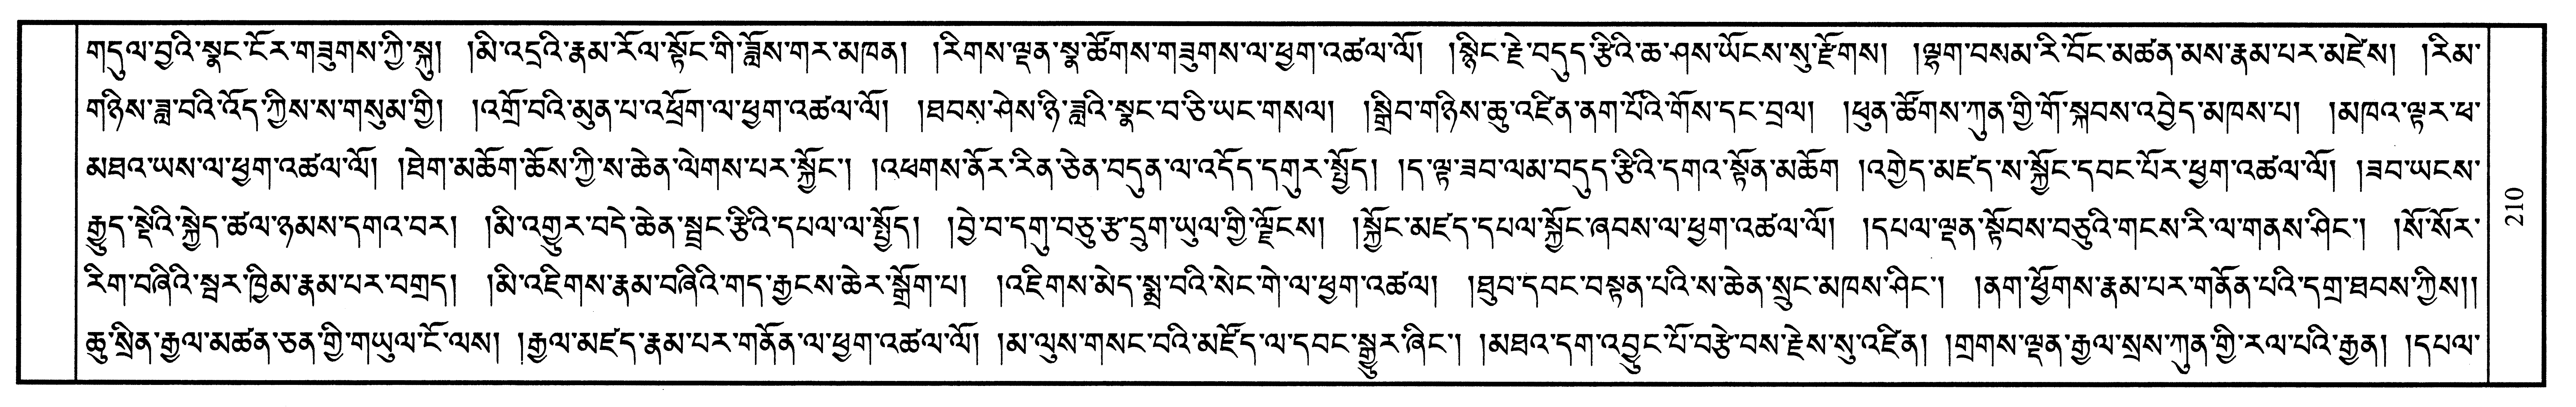གདུལ་བྱའི་སྣང་ངོར་གཟུགས་ཀྱི་སྐུ། །མི་འདྲའི་རྣམ་རོལ་སྟོང་གི་ཟློས་གར་མཁན། །རིགས་ལྡན་སྣ་ཚོགས་གཟུགས་ལ་ཕྱག་འཚལ་ལོ། །སྙིང་རྗེ་བདུད་རྩིའི་ཆ་ཤས་ཡོངས་སུ་རྫོགས། །ལྷག་བསམ་རི་བོང་མཚན་མས་རྣམ་པར་མཛེས། །རིམ་
གཉིས་ཟླ་བའི་འོད་ཀྱིས་ས་གསུམ་གྱི། །འགྲོ་བའི་མུན་པ་འཕྲོག་ལ་ཕྱག་འཚལ་ལོ། །ཐབས་ཤེས་ཉི་ཟླའི་སྣང་བ་ཅི་ཡང་གསལ། །སྒྲིབ་གཉིས་ཆུ་འཛིན་ནག་པོའི་གོས་དང་བྲལ། །ཕུན་ཚོགས་ཀུན་གྱི་གོ་སྐབས་འབྱེད་མཁས་པ། །མཁའ་ལྟར་ཕ་
མཐའ་ཡས་ལ་ཕྱག་འཚལ་ལོ། །ཐེག་མཆོག་ཆོས་ཀྱི་ས་ཆེན་ལེགས་པར་སྐྱོང་། །འཕགས་ནོར་རིན་ཅེན་བདུན་ལ་འདོད་དགུར་སྤྱོད། །ད་ལྟ་ཟབ་ལམ་བདུད་རྩིའི་དགའ་སྟོན་མཆོག །འགྱེད་མཛད་ས་སྐྱོང་དབང་པོར་ཕྱག་འཚལ་ལོ། །ཟབ་ཡངས་
རྒྱུད་སྡེའི་སྐྱེད་ཚལ་ཉམས་དགའ་བར། །མི་འགྱུར་བདེ་ཆེན་སྦྲང་རྩིའི་དཔལ་ལ་སྤྱོད། །བྱེ་བ་དགུ་བཅུ་རྩ་དྲུག་ཡུལ་གྱི་ལྗོངས། །སྐྱོང་མཛད་དཔལ་སྐྱོང་ཞབས་ལ་ཕྱག་འཚལ་ལོ། །དཔལ་ལྡན་སྟོབས་བཅུའི་གངས་རི་ལ་གནས་ཤིང་། །སོ་སོར་
རིག་བཞིའི་སྦར་ཁྱིམ་རྣམ་པར་བགྲད། །མི་འཇིགས་རྣམ་བཞིའི་གད་རྒྱངས་ཆེར་སྒྲོག་པ། །འཇིགས་མེད་སྨྲ་བའི་སེང་གེ་ལ་ཕྱག་འཚལ། །ཐུབ་དབང་བསྟན་པའི་ས་ཆེན་སྲུང་མཁས་ཤིང་། །ནག་ཕྱོགས་རྣམ་པར་གནོན་པའི་དགྲ་ཐབས་ཀྱིས། །
ཆུ་སྲིན་རྒྱལ་མཚན་ཅན་གྱི་གཡུལ་ངོ་ལས། །རྒྱལ་མཛད་རྣམ་པར་གནོན་ལ་ཕྱག་འཚལ་ལོ། །མ་ལུས་གསང་བའི་མཛོད་ལ་དབང་སྒྱུར་ཞིང་། །མཐའ་དག་འབྱུང་པོ་བརྩེ་བས་རྗེས་སུ་འཛིན། །གྲགས་ལྡན་རྒྱལ་སྲས་ཀུན་གྱི་རལ་པའི་རྒྱན། །དཔལ་